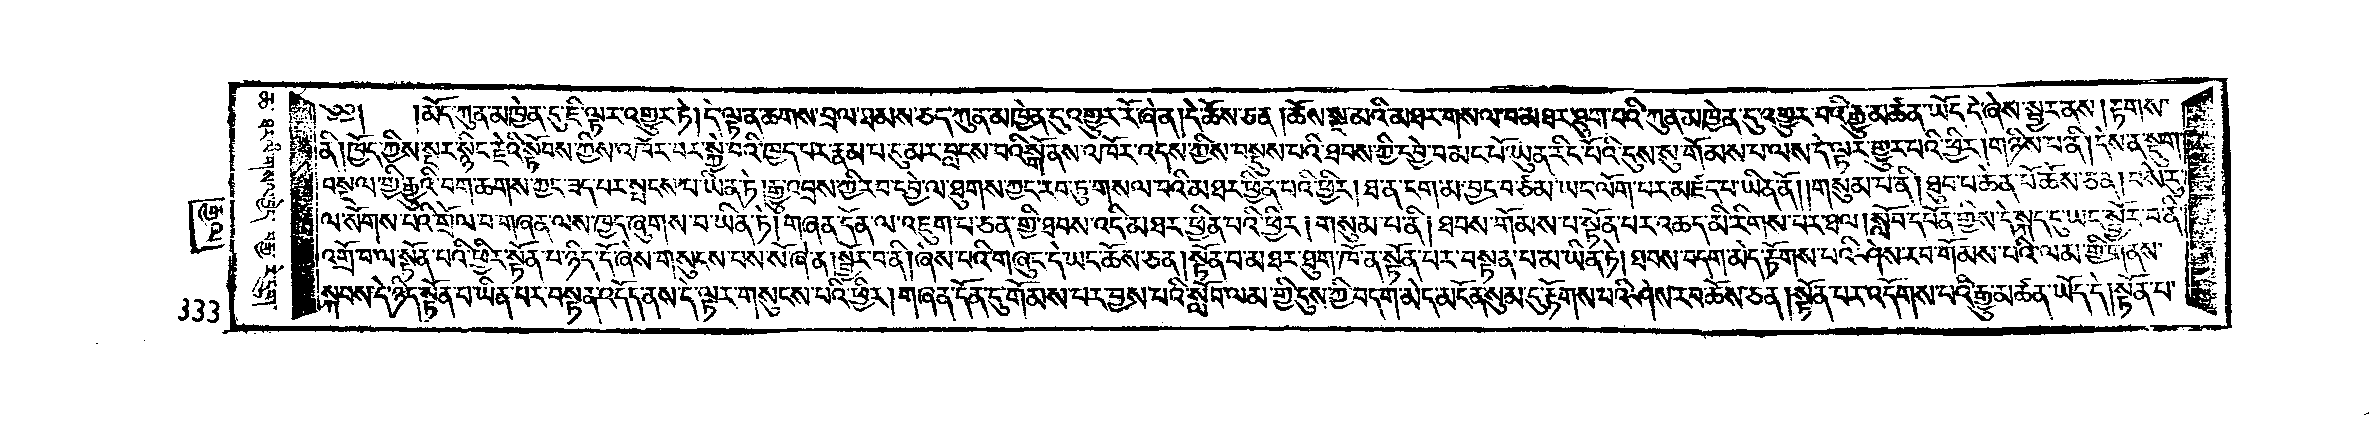༄༅། །མོད་ཀུན་མཁྱེན་དུ་ཇི་ལྟར་འགྱུར་ཏེ། དེ་ལྟ་ན་ཆགས་བྲལ་ཐམས་ཅད་ཀུན་མཁྱེན་དུ་འགྱུར་རོ་ཞེ་ན། དེ་ཆོས་ཅན། ཆོས་སྔ་མའི་མཐར་གསལ་བ་མཐར་ཐུག་པའི་ཀུན་མཁྱེན་དུ་འགྱུར་བའི་རྒྱུ་མཚན་ཡོད་དེ་ཞེས་སྦྱར་ནས། རྟགས་
ནི། ཁྱོད་ཀྱིས་སྔར་སྙིང་རྗེའི་སྟོབས་ཀྱིས་འཁོར་བར་སྐྱེ་བའི་ཁྱད་པར་རྣམ་པ་དུ་མར་བླངས་བའི་སྒོ་ནས་འཁོར་འདས་ཀྱིས་བསྡུས་པའི་ཐབས་ཀྱི་དབྱེ་བ་མང་པོ་ཡུན་རིང་པོའི་དུས་སུ་གོམས་པ་ལས་དེ་ལྟར་གྱུར་པའི་ཕྱིར། གཉིས་པ་ནི། དེས་ན་སྡུག་
བསྔལ་གྱི་རྒྱུའི་བག་ཆགས་ཀྱང་ཟད་པར་སྤངས་པ་ཡིན་ཏེ། རྒྱུ་འབྲས་ཀྱི་རབ་དབྱེ་ལ་ཐུགས་ཀྱང་རབ་ཏུ་གསལ་བའི་མཐར་ཕྱིན་པའི་ཕྱིར། ཐ་ན་ངག་མ་བྱང་བ་ཙམ་ཡང་ལོག་པར་མཛད་པ་ཡིན་ནོ། །གསུམ་པ་ནི། ཐུབ་པ་ཆེན་པོ་ཆོས་ཅན། བསེ་རུ་
ལ་སོགས་པའི་གྲོལ་བ་གཞན་ལས་ཁྱད་ཞུགས་པ་ཡིན་ཏེ། གཞན་དོན་ལ་འཇུག་པ་ཅན་གྱི་ཐབས་འདི་མཐར་ཕྱིན་པའི་ཕྱིར། གསུམ་པ་ནི། ཐབས་གོམས་པ་སྟོན་པར་འཆད་མི་རིགས་པར་ཐལ། སློབ་དཔོན་གྱིས་དེ་སྐད་དུ་ཡང་སྦྱོར་བ་ནི་
འགྲོ་བ་ལ་སྟོན་པའི་ཕྱིར་སྟོན་པ་ཉིད་དོ་ཞེས་གསུངས་པས་སོ་ཞེ་ན། སྦྱོར་བ་ནི། ཞེས་པའི་གཞུང་དེ་ཡང་ཆོས་ཅན། སྟོན་པ་མཐར་ཐུག་ཁོ་ན་སྟོན་པར་བསྟན་པ་མ་ཡིན་ཏེ། ཐབས་བདག་མེད་རྟོགས་པའི་ཤེས་རབ་གོམས་པའི་ལམ་གྱི་གནས་
སྐབས་དེ་ཉིད་སྟོན་པ་ཡིན་པར་བསྟན་འདོད་ནས་དེ་ལྟར་གསུངས་པའི་ཕྱིར། གཞན་དོན་དུ་གོམས་པར་བྱས་པའི་སློབ་ལམ་གྱི་དུས་ཀྱི་བདག་མེད་མངོན་སུམ་དུ་རྟོགས་པའི་ཤེས་རབ་ཆོས་ཅན། སྟོན་པར་འདོགས་པའི་རྒྱུ་མཚན་ཡོད་དེ། སྟོན་པ་